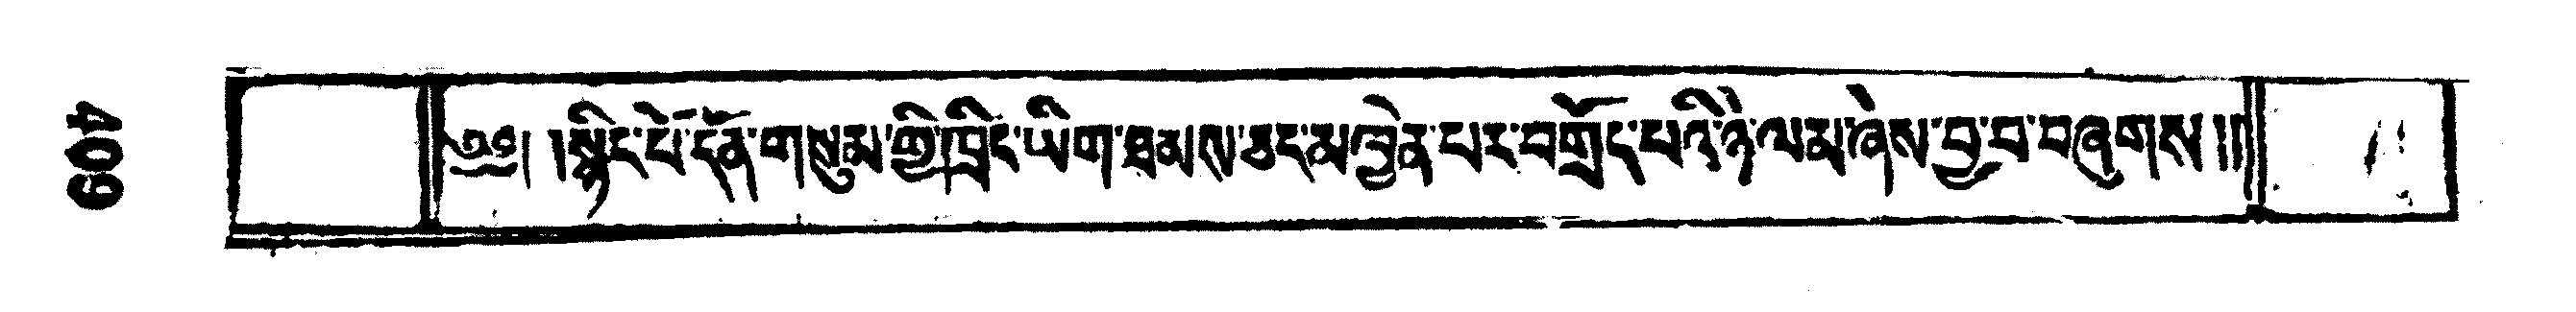༄༅། །སྙིང་པོ་དོན་གསུམ་གྱི་ཁྲིད་ཡིག་ཐམས་ཅད་མཁྱེན་པར་བགྲོད་པའི་ཉེ་ལམ་ཞེས་བྱ་བ་བཞུགས།།